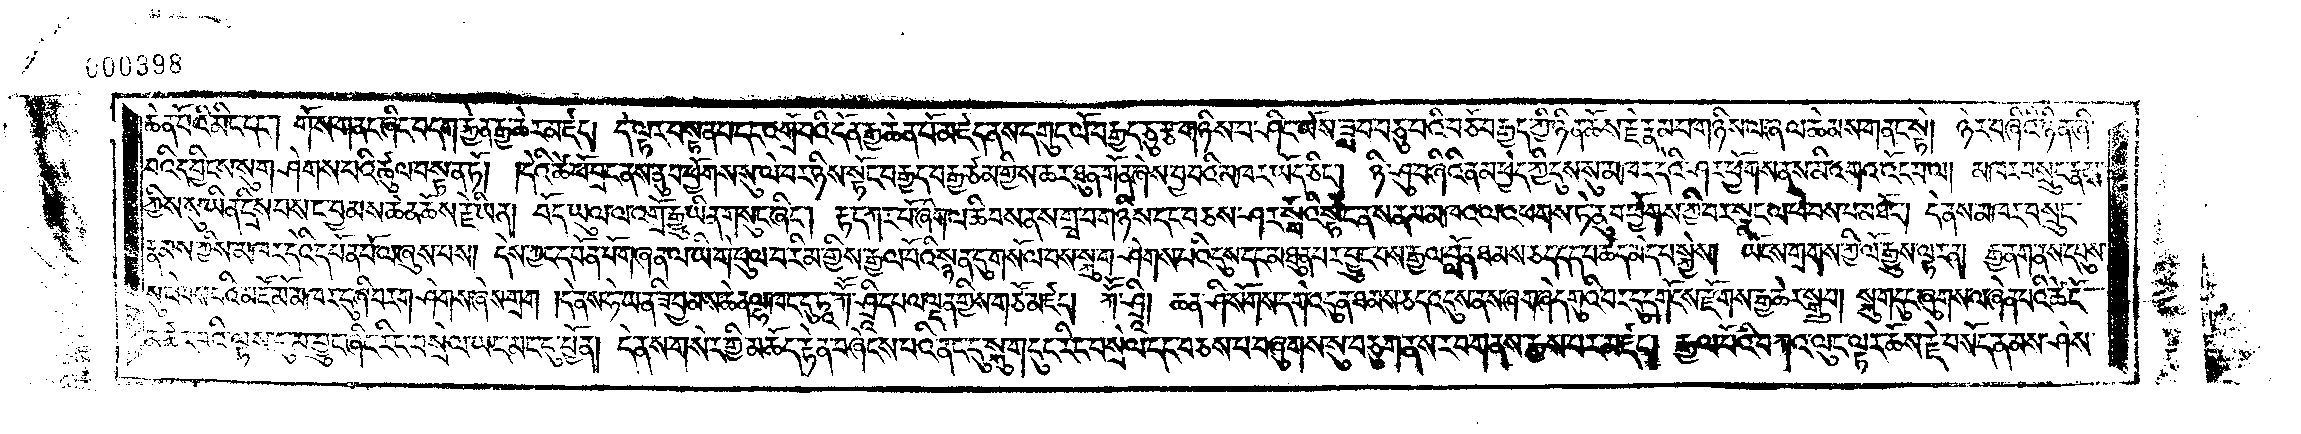ཆེན་པོའི་མིང་དང་། གོ་ས་གནང་ཞིང་བདག་རྐྱེན་རྒྱ་ཆེར་མཛད། དེ་ལྟར་བསྟན་པ་དང་འགྲོ་བའི་དོན་རྒྱ་ཆེན་པོ་མཛད་ནས་དགུང་ལོ་བརྒྱད་ཅུ་རྩ་གཉིས་པ་ཤིང་ཡོས་ཟླ་བ་བཅུ་བའི་བཅོ་བརྒྱད་ཀྱི་ཉིན་ཆོས་རྗེ་རྣམ་པ་གཉིས་ལ་ཞལ་ཆེམས་གནང་སྟེ། ཉེར་བཞིའི་ཉིན་ཞི་
བའི་དབྱིངས་སུ་གཤེགས་པའི་ཚུལ་བསྟན་ཏོ། །དེའི་ཚེ་ཕོ་བྲང་ནས་ནུབ་ཕྱོགས་སུ་ལེ་བར་ཉིས་སྟོང་བརྒྱད་བརྒྱ་ཙམ་གྱིས་ཆར་ཐུན་གོན་ཞེས་བྱ་བའི་མཁར་ཡོད་ཅིང་། ཉི་ཤུ་བཞིའི་ནམ་ཕྱེད་ཀྱི་དུས་སུ་མཁར་དེའི་ཤར་ཕྱོགས་ནས་མི་འགའ་འོང་བ་ལ། མཁར་བསྲུང་རྣམས་
ཀྱིས་སུ་ཡིན་དྲིས་བས་ང་བྱམས་ཆེན་ཆོས་རྗེ་ཡིན། བོད་ཡུལ་ལ་འགྲོ་རྒྱུ་ཡིན་གསུང་ཞིང་། རྟ་དཀར་པོ་ཞིག་ལ་ཆིབས་ནས་གྲྭ་བ་གཉིས་དང་བཅས་ཤར་སྒོའི་སྟེང་ནས་ནམ་མཁའ་ལ་འཕགས་ཏེ་ནུབ་ཕྱོགས་ཀྱི་བར་སྣང་ལ་ཕེབས་པ་མཐོང་། དེ་ནས་མཁར་བསྲུང་
རྣམས་ཀྱིས་མཁར་དེའི་དཔོན་པོ་ལ་ཞུས་པས། དེས་ཀྱང་དཔོན་པོ་གཞན་ལ་ཡི་གེ་ཕུལ་བ་རིམ་གྱིས་རྒྱལ་བོའི་སྙན་དུ་གསོལ་བས་སྐུ་གཤེགས་པའི་དུས་དང་མཐུན་པར་བྱུང་བས་རྒྱལ་བློན་ཐམས་ཅད་དད་པ་ཚད་མེད་པ་སྐྱེས། ཡོངས་གྲགས་ཀྱི་ལོ་རྒྱུས་ལྟར་ན། རྒྱ་ནག་ནས་དབུས་
སུ་ཕེབས་པའི་མཛོ་མོ་མཁར་དུ་ཞི་བར་གཤེགས་ཞེས་གྲག །དེ་ནས་ཧེ་ཡན་ཟི་བྱམས་ཆེན་ལྷ་ཁང་དུ་ཏཱ་ཀཽ་ཤྲཱི་དཔལ་ལྡན་གྱིས་གཙོ་མཛད། ཀཽ་ཤྲཱི། ཆན་ཤི་སོགས་དགེ་འདུན་ཐམས་ཅད་འདུས་ནས་ཞག་ཞེ་དགུའི་བར་དུ་དགོངས་རྫོགས་རྒྱ་ཆེར་སྒྲུབ། སྐུ་གདུང་ཞུགས་ལ་ཞེན་པའི་ཚེ་ངོ་
མཚར་བའི་ལྟས་དུ་མ་བྱུང་ཞིང་རིང་བསྲེལ་ཡང་མང་དུ་བྱོན། དེ་ནས་གསེར་གྱི་མཆོད་རྟེན་བཞེངས་པའི་ནང་དུ་སྐུ་གདུང་རིང་བསྲེལ་དང་བཅས་པ་བཞུགས་སུ་བཅུག་ནས་རབ་གནས་རྒྱས་པར་མཛད། རྒྱལ་པོའི་བཀའ་ལུང་ལྟར་ཆོས་རྗེ་བསོད་ནམས་ཤེས་